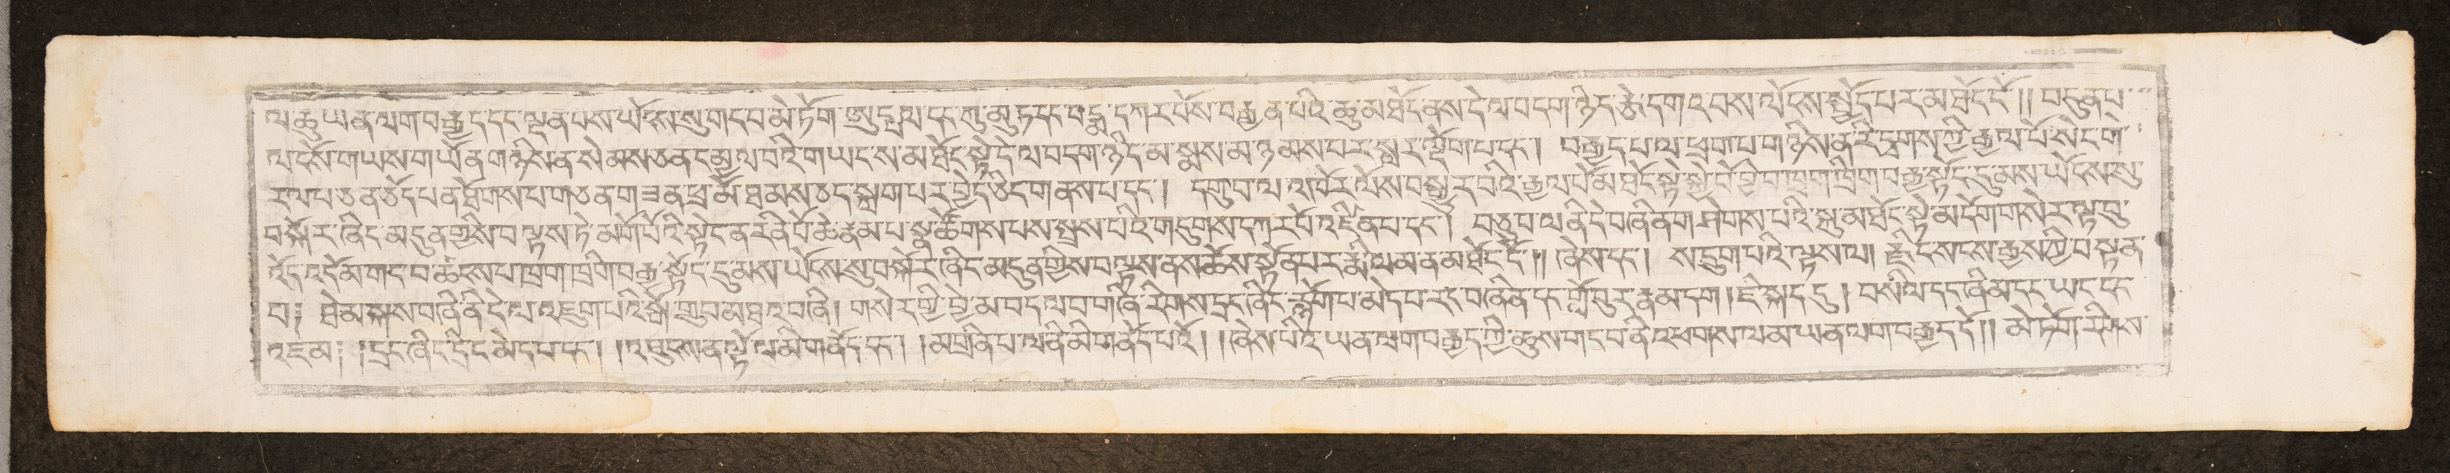ལ་ཆུ་ཡན་ལག་བརྒྱད་དང་ལྡན་པས་ཡོངས་སུ་གང་བ་མེ་ཏོག་ཨུཏྤལ་དང་ཀུ་མུ་ཏ་དང་པདམ་དཀར་པོས་བརྒྱན་པའི་ཆུ་མཐོང་ནས་དེ་ལ་བདག་ཉིད་རྩེ་དགའ་བས་ལོངས་སྤྱོད་པར་མཐོང་ངོ། །བདུན་པ་
ལ་ངོས་གཡས་གཡོན་གཉིས་ན་སེམས་ཅན་དམྱལ་བའི་གཡང་ས་མཐོང་སྟེ་དེ་ལ་བདག་ཉིད་མ་སྨས་མ་ཉམས་པར་སླར་ལྡོག་པ་དང་། བརྒྱད་པ་ལ་ཕྲག་པ་གཉིས་ན་རི་དྭགས་ཀྱི་རྒྱལ་པོ་སེང་གེ་
རལ་པ་ཅན་ཅོད་པན་ཐོགས་པ་གཅན་གཟན་ཕྲ་མོ་ཐམས་ཅད་སྐྲག་པར་བྱེད་ཅིང་གནས་པ་དང་། དགུ་པ་ལ་འཁྲོ་ལོས་བསྒྱུར་བའི་རྒྱལ་པོ་མཐོང་སྟེ་སྐྱེ་བོ་བྱེ་བ་ཁྲག་ཁྲིག་བརྒྱ་སྟོང་དུ་མས་ཡོངས་སུ་
བསྐོར་ཞིང་མདུན་གྱིས་བལྟས་ཏེ་མགོ་བོའི་སྟེང་ན་རིན་པོ་ཆེ་རྣམ་པར་སྣ་ཚོགས་པས་སྤྲས་པའི་གདུགས་དཀར་པོ་འཛིན་པ་དང་། བཅུ་པ་ལ་ནི་དེ་བཞིན་གཤེགས་པའི་སྐུ་མཐོང་སྟེ་མདོག་གསེར་ལྟ་བུ་
འོད་འདོམ་གང་བ་ཚངས་པ་ཁྲག་ཁྲིག་བརྒྱ་སྟོང་དུ་མས་ཡོངས་སུ་བསྐོར་ཞིང་མདུན་གྱིས་བལྟས་ནས་ཆོས་སྟོན་པར་རྨི་ལམ་ན་མཐོང་ངོ།། ཞེས་དང་། ས་དྲུག་པའི་ལྟས་ལ། རྫིང་སངས་རྒྱས་ཀྱི་བསྟན་
པ༑ ཐེམ་སྐས་བཞི་ནི་དེ་ལ་འཇུག་པའི་སྒོ་གྲུབ་མཐའ་བཞི། གསེར་གྱི་བྱེ་མ་བདལ་བ་གཞི་རིགས་དྲང་ཞིང་རྙོག་པ་མེད་པ་རང་བཞིན་དང་གློ་བུར་རྣམ་དག །ཇི་སྐད་དུ། བསིལ་དང་ཞིམ་དང་ཡང་དང་
འཇམ༑ ༑དྲང་ཞིང་དྲི་ང་མེད་པ་དང་། །འཐུངས་ན་ལྟོ་ལ་མི་གནོད་དང་། །མགྲིན་པ་ལ་ནི་མི་གནོད་པའོ། །ཞེས་པའི་ཡན་ལག་བརྒྱད་ཀྱི་ཆུས་གང་བ་ནི་འཕགས་ལམ་ཡན་ལག་བརྒྱད་དོ། །མེ་ཏོག་རིགས་